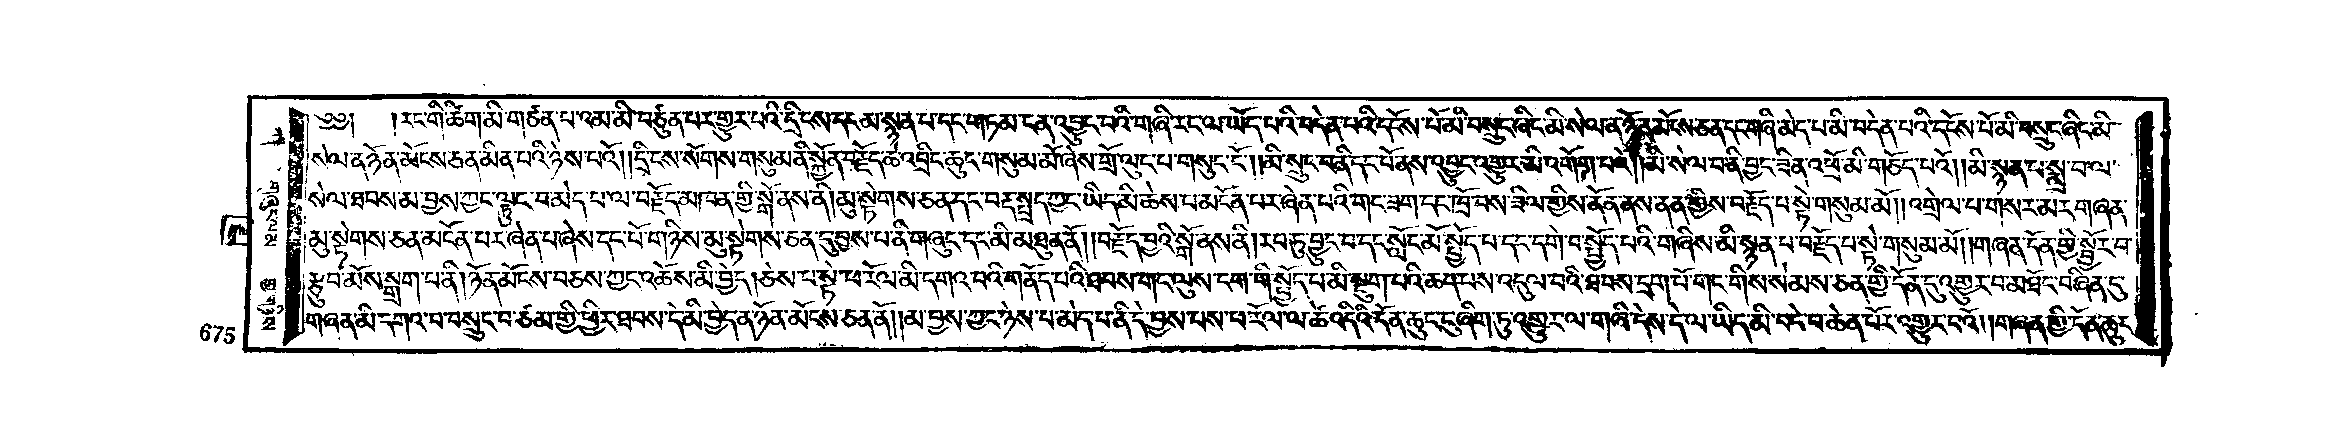༄༅། །རང་གི་ཚིག་མི་གཙན་པ་འམ་མི་བཙུན་པར་གྱུར་པའི་དྲི་ངས་དང་མ་སྙན་པ་དང་གཏམ་ངན་འབྱུང་བའི་གཞི་རང་ལ་ཡོད་པའི་བདེན་པའི་དངོས་པོ་མི་བསྲུང་ཞིང་མི་སེལ་ན་ཉོན་མོངས་ཅན་དང་གཞི་མེད་པ་མི་བདེན་པའི་དངོས་པོ་མི་བསྲུང་ཞིང་མི་
སེལ་ན་ཉོན་མོངས་ཅན་མིན་པའི་ཉེས་པའོ། །དྲི་ངས་སོགས་གསུམ་ནི་སྐྱོན་བརྗོད་ཆེ་འབྲིང་ཆུང་གསུམ་མོ་ཞེས་གྲོ་ལུང་པ་གསུང་ངོ། །མི་སྲུང་བ་ནི་དང་པོ་ནས་འབྱུང་འགྱུར་མི་འགོག་པའོ། །མི་སེལ་བ་ནི་བྱང་ཟིན་འཕྲོ་མི་གཅོད་པའོ། །མི་སྙན་པ་སྨྲ་བ་ལ་
སེལ་ཐབས་མ་བྱས་ཀྱང་ལྟུང་བ་མེད་པ་ལ་བརྗོད་མཁན་གྱི་སྒོ་ནས་ནི། མུ་སྟེགས་ཅན་དང་བརྡ་སྤྲད་ཀྱང་ཡིད་མི་ཆེས་པ་མངོན་པར་ཞེན་པའི་གང་ཟག་དང་ཁྲོ་བས་ཟིལ་གྱིས་ནོན་ནས་ནན་གྱིས་བརྗོད་པ་སྟེ་གསུམ་མོ། །འགྲེལ་པ་གསར་མར་གཞན་
མུ་སྟེགས་ཅན་མངོན་པར་ཞེན་པ་ཞེས་དང་པོ་གཉིས་མུ་སྟེགས་ཅན་དུ་བྱས་པ་ནི་གཞུང་དང་མི་མཐུན་ནོ། །བརྗོད་བྱའི་སྒོ་ནས་ནི། རབ་ཏུ་བྱུང་བ་དང་སློང་མོ་སྤྱོད་པ་དང་དགེ་བ་སྤྱོད་པའི་གཞིས་མི་སྙན་པ་བརྗོད་པ་སྟེ་གསུམ་མོ། །གཞན་དོན་གྱི་སྦྱོར་བ་
རྩུབ་མོས་སྒྲག་པ་ནི། ཉོན་མོངས་བཅས་ཀྱང་འཆོས་མི་བྱེད། ཅེས་པ་སྟེ་ཕ་རོལ་མི་དགའ་བའི་གནོད་པའི་ཐབས་གང་ལུས་ངག་གི་སྤྱོད་པ་མི་སྡུག་པའི་ཆད་པས་འདུལ་བའི་ཐབས་དྲག་པོ་གང་གིས་སེམས་ཅན་གྱི་དོན་དུ་འགྱུར་བ་མཐོང་བཞིན་དུ་
གཞན་མི་དགའ་བ་བསྲུང་བ་ཙམ་གྱི་ཕྱིར་ཐབས་དེ་མི་བྱེད་ན་ཉོན་མོངས་ཅན་ནོ། །མ་བྱས་ཀྱང་ཉེས་པ་མེད་པ་ནི་དེ་བྱས་པས་ཕ་རོལ་ལ་ཚེ་འདིའི་དོན་ཆུང་ངུ་ཞིག་ཏུ་འགྱུར་ལ་གཞི་དེས་དེ་ལ་ཡིད་མི་བདེ་བ་ཆེན་པོར་འགྱུར་བའོ། །གཞན་གྱི་དོན་ཆུང་